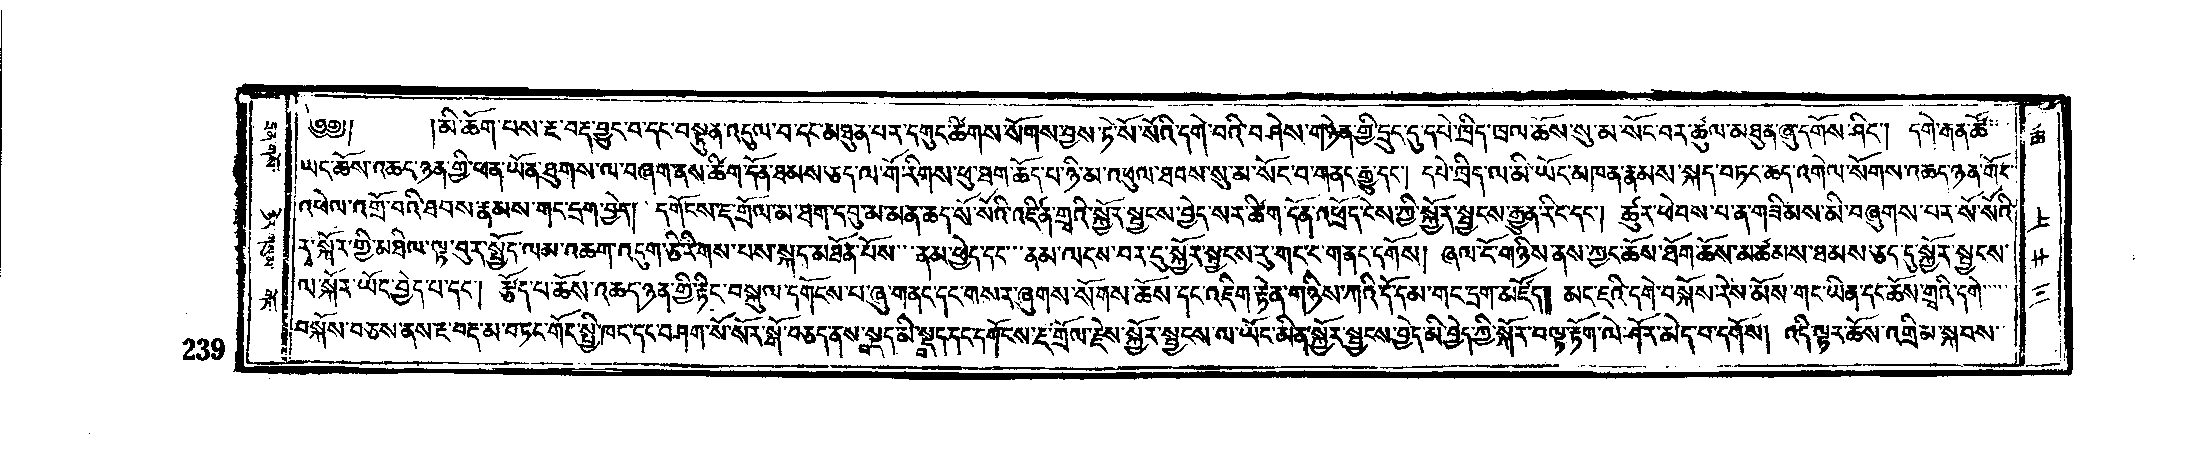༄༅། །མི་ཆོག་པས་རྔ་བརྡ་བྱུང་བ་དང་བསྟུན་འདུལ་བ་དང་མཐུན་པར་དགུང་ཚིགས་སོགས་བྱས་ཏེ་སོ་སོའི་དགེ་བའི་བཤེས་གཉེན་གྱི་དྲུང་དུ་དཔེ་ཁྲིད་ཁྲལ་ཆོས་སུ་མ་སོང་བར་ཚུལ་མཐུན་ཞུ་དགོས་ཤིང་། དགེ་རྒན་ཚོ་
ཡང་ཆོས་འཆད་ཉན་གྱི་ཕན་ཡོན་ཐུགས་ལ་བཞག་ནས་ཚིག་དོན་ཐམས་ཅད་ལ་གོ་རིགས་ཕུ་ཐག་ཆོད་པ་ཉི་མ་འཕུལ་ཐབས་སུ་མ་སོང་བ་གནང་རྒྱུ་དང་། དཔེ་ཁྲིད་ལ་མི་ཡོང་མཁན་རྣམས་སྐད་བཏང་ཆད་འགེལ་སོགས་འཆད་ཉན་གོང་
འཕེལ་འགྲོ་བའི་ཐབས་རྣམས་གང་དྲག་བྱེད། དགོངས་ཇ་གྲོལ་མ་ཐག་དབུ་མ་མན་ཆད་སོ་སོའི་འཛིན་གྲྭའི་སྐྱོར་སྦྱངས་བྱེད་སར་ཚིག་དོན་འཕྲོད་ངེས་ཀྱི་སྐྱོར་སྦྱངས་རྒྱུན་རིང་དང་། ཚུར་ཕེབས་པ་ན་གཟིམས་མི་བཞུགས་པར་སོ་སོའི་
རྭ་སྐོར་གྱི་མཐིལ་ལྟ་བུར་སྤྱོད་ལམ་འཆག་འདུག་ཅི་རིགས་པས་སྐད་མཐོན་པོས་ནམ་ཕྱེད་དང་ནམ་ལངས་བར་དུ་སྐྱོར་སྦྱངས་རུ་གང་ང་གནང་དགོས། ཞལ་ངོ་གཉིས་ནས་ཀྱང་ཆོས་ཐོག་ཆོས་མཚམས་ཐམས་ཅད་དུ་སྐྱོར་སྦྱངས་
ལ་སྐོར་ཡོང་བྱེད་པ་དང་། རྩོད་པ་ཆོས་འཆད་ཉན་གྱི་རྟིང་བསྐུལ་དགོངས་པ་ཞུ་གནང་དང་གསར་ཞུགས་སོགས་ཆོས་དང་འཇིག་རྟེན་གཉིས་ཀའི་དོ་དམ་གང་དྲག་མཛོད། མང་ཇའི་དགེ་བསྐོས་རེས་མོས་གང་ཡིན་དང་ཆོས་གྲྭའི་དགེ་
བསྐོས་བཅས་ནས་རྔ་བརྡ་མ་བཏང་གོང་སྤྱི་ཁང་དང་བཤག་སོ་སོར་སྒོ་བཅད་ནས་བསྡད་མི་བསྡད་དང་དགོངས་རྔ་གྲོལ་རྗེས་སྐྱོར་སྦྱངས་ལ་ཡོང་མིན་སྐྱོར་སྦྱངས་བྱེད་མི་བྱེད་ཀྱི་སྐོར་བལྟ་རྟོག་ལེ་ཤོར་མེད་པ་དགོས། འདི་ལྟར་ཆོས་འགྲིམ་སྐབས་